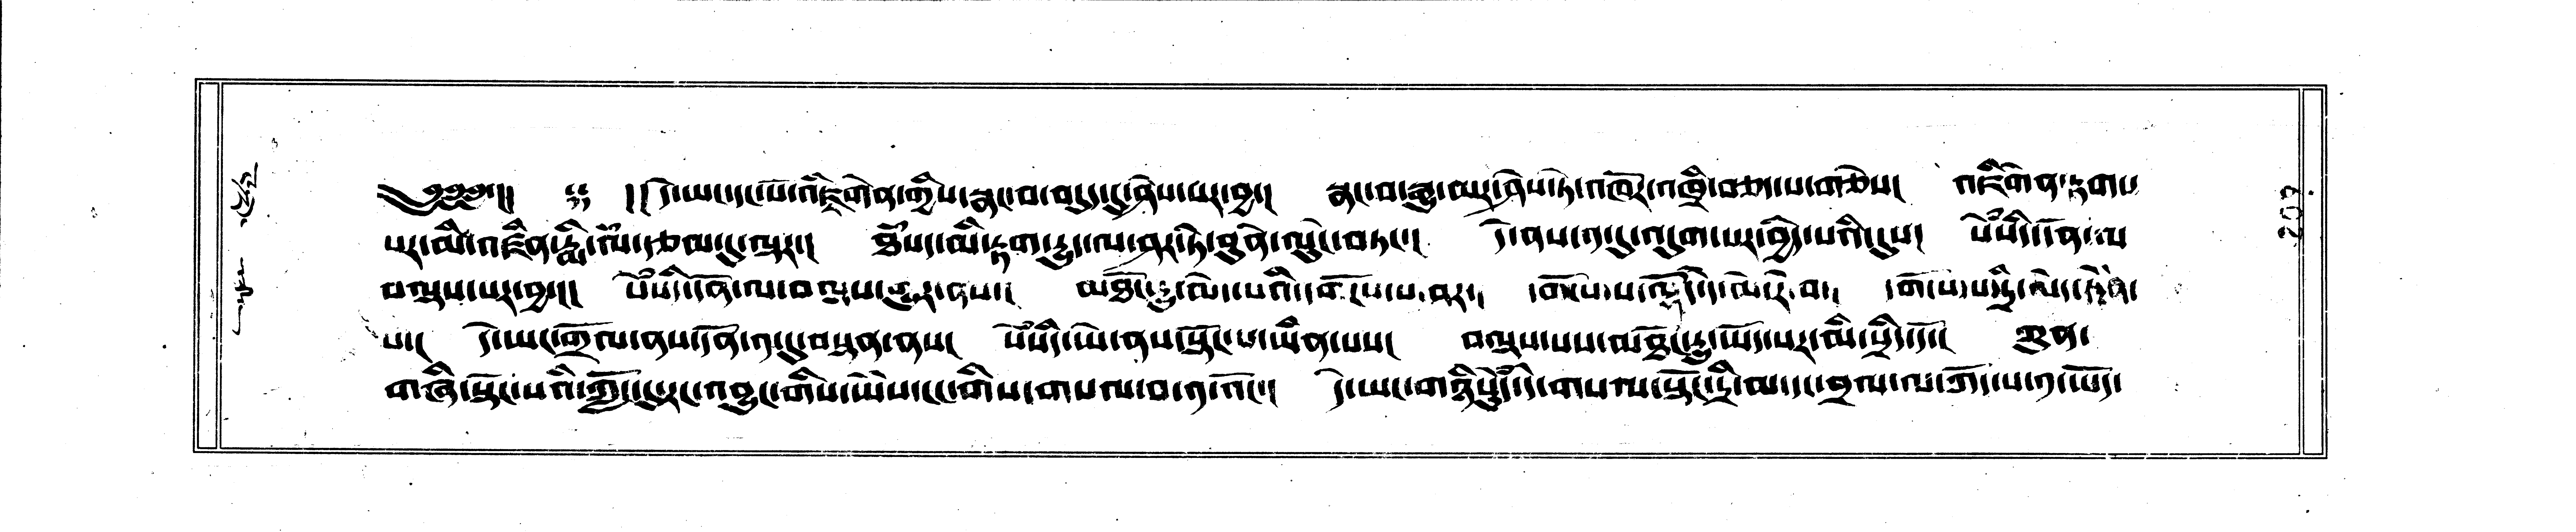དེ་ཡང་དང་པོ་འཇིག་རྟེན་གྱི་སྣང་བ་བདུད་དུ་ཤེས་པར་བྱ། སྣང་བ་སྒྱུ་མར་ཤེས་ཏེ་འཁོར་འཁྲི་བཅད་པ་གཅེས། འཇིག་རྟེན་རྟག་
པར་མི་འཛིན་སྐད་གཅིག་རྨི་ལམ་ཙམ་དུ་བལྟའ། ཐམས་ཅད་མི་རྟག་རྒྱུད་ལ་ཤར་ཏེ་བུན་ནེ་ལོང་ངེ་བཏང་། དེ་ནས་གཅིག་འདུག་བྱེད་པའི་དུས། སེམས་ཉིད་དོན་ལ་
བལྟའ་བར་བྱ། སེམས་ཉིད་དོན་ལ་བལྟས་འགྱུར་ན། མཐོང་རྒྱུ་མེད་པའི་དགོངས་པ་ཤར། དགོངས་པ་ལྷོད་དེ་མེར་རེ་བ། དགོངས་པ་སལེ་ཧྲིག་གེ་བ། དགོངས་པ་དྲི་མེད་རྗེན་ནེ་
བ། དེ་ཡང་བཀྲོལ་དོན་ཅིག་ཏུ་བསྟན་པ། སེམས་ཉིེད་ཡེ་ནས་སྟོང་པ་ཡིན་པས། བལྟས་པས་མཐོང་རྒྱུ་ཡོད་པར་མི་སྲིད་དོ། ཀུན་
གཞི་སྟོང་པའི་ཀློང་དུ་རང་འབྱུང་གི་ཡེ་ཤེས་ངང་གིས་གསལ་བ་ཅིག་འོང་། དེའང་གཉིས་སུ་མེད་དེ། གསལ་སྟོང་དྲི་མ་དང་བྲལ་བ་དེ་ཀ་ཞིག་ཡོད་